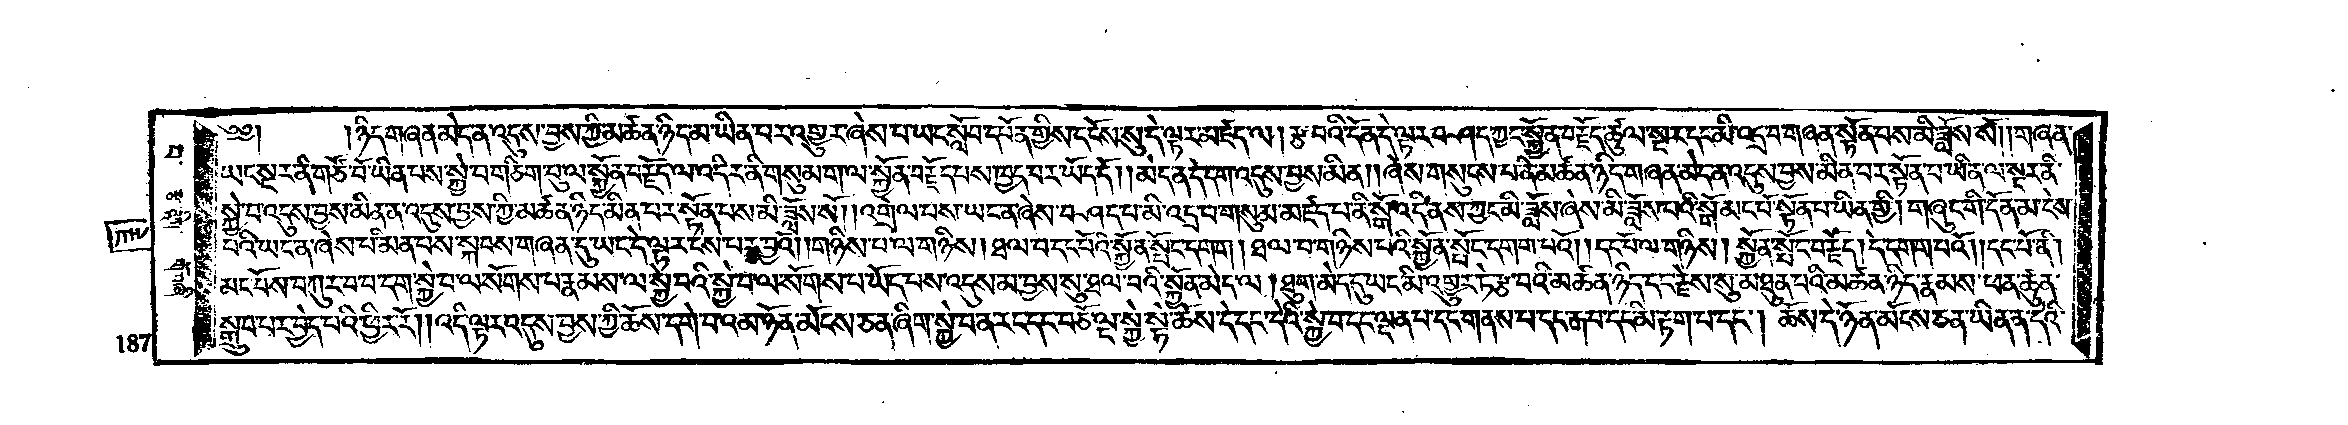༄༅། །ཉིད་གཞན་མེད་ན་འདུས་བྱས་ཀྱི་མཚན་ཉིད་མ་ཡིན་པར་འགྱུར་ཞེས་པ་ཡང་སློབ་དཔོན་གྱིས་དངོས་སུ་དེ་ལྟར་མཛད་ལ། རྩ་བའི་དོན་དེ་ལྟར་བཤད་ཀྱང་སྐྱོན་བརྗོད་ཚུལ་སྔར་དང་མི་འདྲ་བ་གཞན་སྟོན་པས་མི་ཟློས་སོ། །གཞན་
ཡང་སྔར་ནི་གཙོ་བོ་ཡིན་པས་སྐྱེ་བ་གཅིག་པུ་ལ་སྐྱོན་བརྗོད་ལ་འདིར་ནི་གསུམ་ག་ལ་སྐྱོན་བརྗོད་པས་ཁྱད་པར་ཡོད་དོ། །མེད་ན་དེ་དག་འདུས་བྱས་མིན། །ཞེས་གསུངས་པ་ནི་མཚན་ཉིད་གཞན་མེད་ན་འདུས་བྱས་མིན་པར་སྟོན་པ་ཡིན་ལ་སྔར་ནི་
སྐྱེ་བ་འདུས་བྱས་མིན་ན་འདུས་བྱས་ཀྱི་མཚན་ཉིད་མིན་པར་སྟོན་པས་མི་ཟློས་སོ། །འགྲེལ་པས་ཡང་ན་ཞེས་བཤད་པ་མི་འདྲ་བ་གསུམ་མཛད་པ་ནི་སྒོ་འདི་ནས་ཀྱང་མི་ཟློས་ཞེས་མི་ཟློས་པའི་སྒོ་མང་པོ་སྟོན་པ་ཡིན་གྱི། གཞུང་གི་དོན་མ་ངེས་
པའི་ཡང་ན་ཞེས་པ་མིན་པས་སྐབས་གཞན་དེ་ཡང་དེ་ལྟར་ངེས་པར་བྱའོ། །གཉིས་པ་ལ་གཉིས། ཐལ་པ་དང་པོའི་སྐྱོན་སྤོང་དགག། ཐལ་བ་གཉིས་པའི་སྐྱོན་སྤོང་དགག་པའོ། །དང་པོ་ལ་གཉིས། སྐྱོན་སྤོང་བརྗོད། དེ་དགག་པའོ། །དང་པོ་ནི།
མང་པོས་བཀུར་པ་པ་དག་སྐྱེ་བ་ལ་སོགས་པ་རྣམས་ལ་སྐྱེ་བའི་སྐྱེ་བ་ལ་སོགས་པ་ཡོད་པས་འདུས་མ་བྱས་སུ་ཐལ་བའི་སྐྱོན་མེད་ལ། ཐུག་མེད་དུ་ཡང་མི་འགྱུར་ཏེ་རྩ་བའི་མཚན་ཉིད་དང་རྗེས་སུ་མཐུན་པའི་མཚན་ཉིད་རྣམས་ཕན་ཚུན་
སྒྲུབ་པར་བྱེད་པའི་ཕྱིར་རོ། །འདི་ལྟར་འདུས་བྱས་ཀྱི་ཆོས་དགེ་བ་འམ་ཉོན་མོངས་ཅན་ཞིག་སྐྱེ་བ་ན་རང་དང་བཅོ་ལྔ་སྐྱེ་སྟེ་ཆོས་དེ་དང་དེའི་སྐྱེ་བ་དང་ལྡན་པ་དང་གནས་པ་དང་རྒ་པ་དང་མི་རྟག་པ་དང་། ཆོས་དེ་ཉོན་མོངས་ཅན་ཡིན་ན་དེའི་